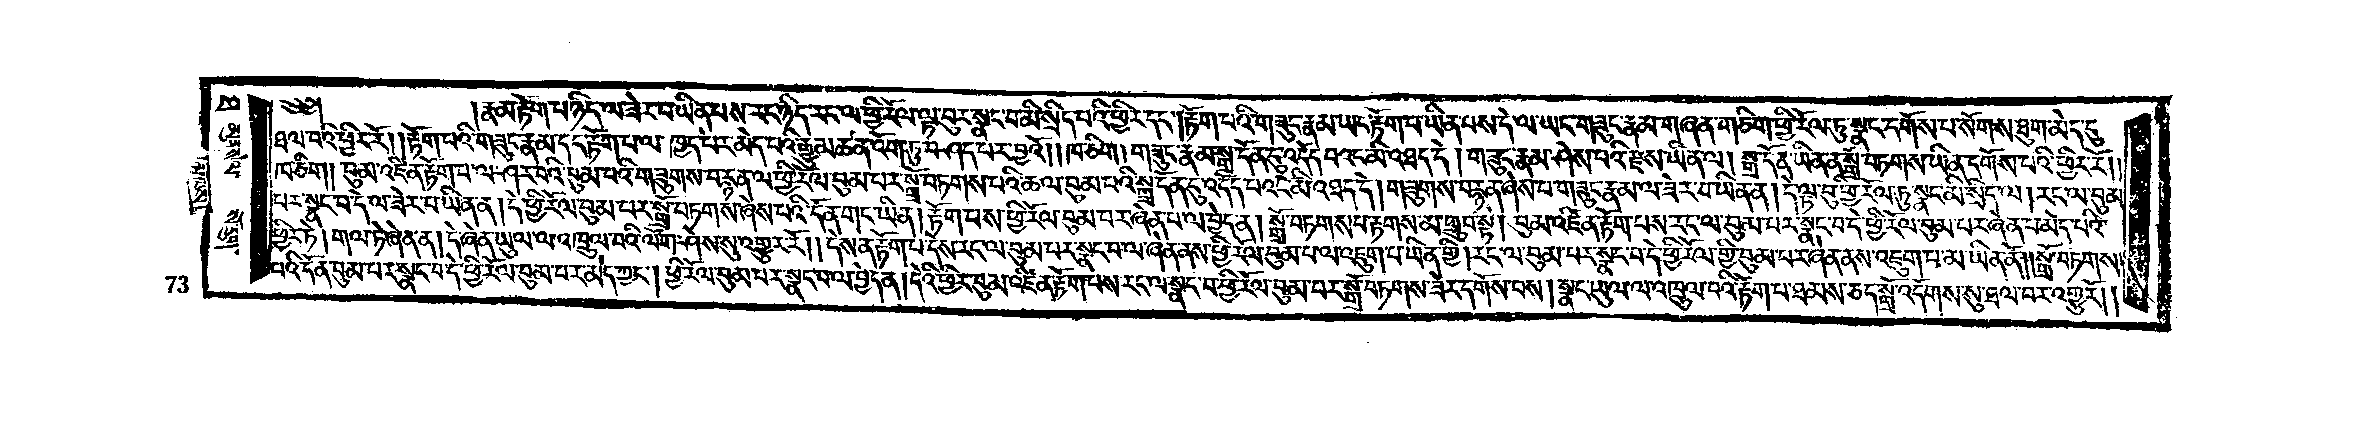༄༅། །རྣམ་རྟོག་པ་ཉིད་ལ་ཟེར་བ་ཡིན་པས་རང་ཉིད་རང་ལ་ཕྱི་རོལ་ལྟ་བུར་སྣང་བ་མི་སྲིད་པའི་ཕྱིར་དང་། རྟོག་པའི་གཟུང་རྣམ་ཡང་རྟོག་པ་ཡིན་པས་དེ་ལ་ཡང་གཟུང་རྣམ་གཞན་གཅིག་ཕྱི་རོལ་ཏུ་སྣང་དགོས་པ་སོགས་ཐུག་མེད་དུ་
ཐལ་བའི་ཕྱིར་རོ། །རྟོག་པའི་གཟུང་རྣམ་དང་རྟོག་པ་ལ་ཁྱད་པར་མེད་པའི་རྒྱུ་མཚན་འོག་ཏུ་བཤད་པར་བྱའོ། །ཁ་ཅིག །གཟུང་རྣམ་སྒྲ་དོན་དུ་འདོད་པའང་མི་འཐད་དེ། གཟུང་རྣམ་ཤེས་པའི་རྫས་ཡིན་ལ། སྒྲ་དོན་ཡིན་ན་སྒྲོ་བཏགས་ཡིན་དགོས་པའི་ཕྱིར་རོ། །
ཁ་ཅིག །བུམ་འཛིན་རྟོག་པ་ལ་ཤར་བའི་བུམ་པའི་གཟུགས་བརྙན་ལ་ཕྱི་རོལ་བུམ་པར་སྒྲོ་བཏགས་པའི་ཆ་ལ་?་བུམ་པའི་སྒྲ་དོན་དུ་འདོད་པའང་མི་འཐད་དེ། གཟུགས་བརྙན་ཞེས་པ་གཟུང་རྣམ་ལ་ཟེར་བ་ཡིན་ན། དེ་ལྟ་བུ་ཕྱི་རོལ་ཏུ་སྣང་མི་སྲིད་ལ། རང་ལ་བུམ་
པར་སྣང་བ་དེ་ལ་ཟེར་བ་ཡིན་ན། དེ་ཕྱི་རོལ་བུམ་པར་སྒྲོ་བཏགས་ཞེས་པའི་དོན་གང་ཡིན། རྟོག་པས་ཕྱི་རོལ་བུམ་པར་ཞེན་པ་ལ་བྱེད་ན། སྒྲོ་བཏགས་པ་རྟགས་མ་གྲུབ་སྟེ། བུམ་འཛིན་རྟོག་པས་རང་ལ་བུམ་པར་སྣང་བ་དེ་ཕྱི་རོལ་བུམ་པར་ཞེན་པ་མེད་པའི་
ཕྱིར་ཏེ། གལ་ཏེ་ཞེན་ན། དེ་ཞེན་ཡུལ་ལ་འཁྲུལ་པའི་ལོག་ཤེས་སུ་འགྱུར་རོ། །དེས་ན་རྟོག་པ་དེས་རང་ལ་བུམ་པར་སྣང་བ་ལ་ཞེན་ནས་ཕྱི་རོལ་བུམ་པ་ལ་འཇུག་པ་ཡིན་གྱི། རང་ལ་བུམ་པར་སྣང་བ་དེ་ཕྱི་རོལ་གྱི་བུམ་པར་ཞེན་ནས་འཇུག་པ་མ་ཡིན་ནོ། །སྒྲོ་བཏགས་
པའི་དོན་བུམ་པར་སྣང་བ་དེ་ཕྱི་རོལ་བུམ་པར་མེད་ཀྱང་། ཕྱི་རོལ་བུམ་པར་སྣང་བ་ལ་བྱེད་ན། དེའི་ཕྱིར་བུམ་འཛིན་རྟོག་པས་རང་ལ་སྣང་བ་ཕྱི་རོལ་བུམ་པར་སྒྲོ་བཏགས་ཟེར་དགོས་པས། སྣང་ཡུལ་ལ་འཁྲུལ་པའི་རྟོག་པ་ཐམས་ཅད་སྒྲོ་འདོགས་སུ་ཐལ་བར་འགྱུར་རོ། །